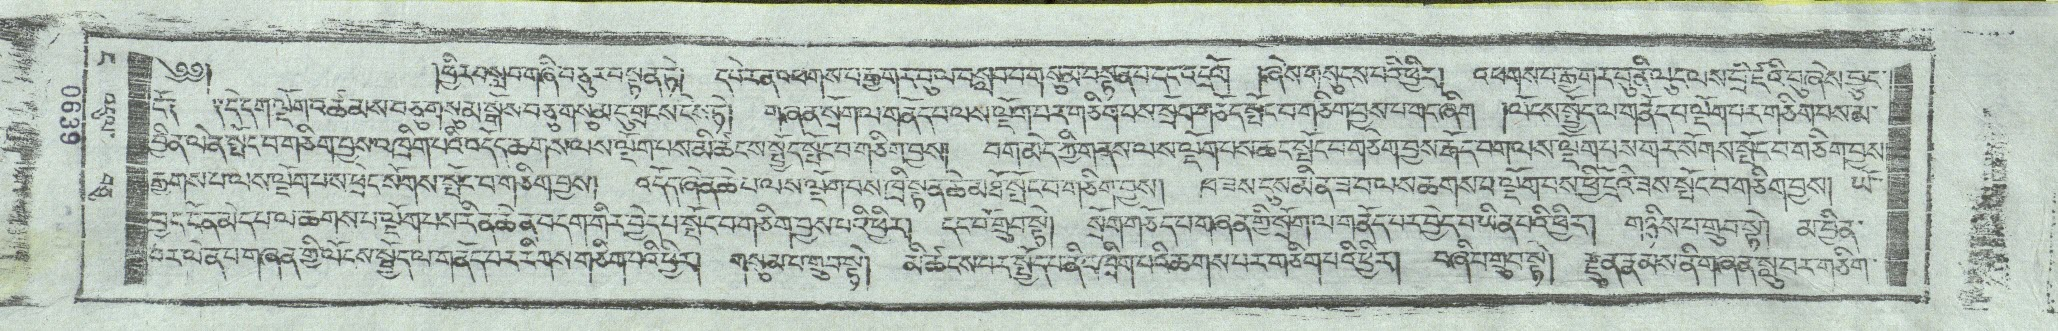༄༅། །ཕྱིར་བསླབ་གཞི་བཅུར་བསྟན་ཏེ། དཔེར་ན་འཕགས་བརྒྱ་གར་བུ་ལ་བསླབ་བ་གསུམ་བསྟན་པ་དང་འདྲའོ། །ཞེས་གསུངས་པའི་ཕྱིར། འཕགས་པ་རྒྱ་གར་བུ་ནི་ལུང་ལས་པྲི་ཛའི་བུ་ཞེས་བྱུང་
ངོ༑ ༑དེ་དག་ལྡོག་འཚམས་བཅུ་གསུམ་སྒོས་བཅུ་གསུམ་དུ་གྲངས་ངེས་ཏེ། གཞན་སྲོག་ལ་གནོད་པ་ལས་ལྡོག་པར་གཅིག་པས་སྲོག་གཅོད་སྤོང་བ་གཅིག་བྱས་པ་གང་ཞིག །ལོངས་སྤྱོད་ལ་གནོད་པ་ལྡོག་པར་གཅིག་པས་མ་
བྱིན་ལེན་སྤོང་བ་གཅིག་བྱས་འཁྲིག་པའི་འདོད་ཆགས་ལས་ལྡོག་པས་མི་ཚངས་སྤྱོད་སྤོང་བ་གཅིག་བྱས། བག་མེད་ཀྱི་གནས་ལས་ལྡོག་པས་ཆང་སྦྱོང་བ་གཅིག་བྱས་རྒོད་བག་ལས་ལྡོག་པས་གར་སོགས་སྤོང་བ་གཅིག་བྱས་
རྒྱགས་པ་ལས་ལྡོག་པས་ཕྲེང་སོགས་སྤོང་བ་གཅིག་བྱས། འདོད་ཞེན་ཆེ་བ་ལས་ལྡོག་པས་ཁྲི་སྟན་ཆེ་མཐོ་སྤོང་བ་གཅིག་བྱས། ཁ་ཟས་དུས་མིན་ཟ་བ་ལས་ཆགས་པ་ལྡོག་པས་ཕྱི་དྲོའི་ཟས་སྤོང་བ་གཅིག་བྱས། ཡོ་
བྱད་དོན་མེད་པ་ལ་ཆགས་པ་ལྡོག་པས་རིན་ཆེན་བདག་གིར་བྱེད་པ་སྤོང་བ་གཅིག་བྱས་པའི་ཕྱིར། དང་པོ་གྲུབ་སྟེ། སྲོག་གཅོད་པ་གཞན་གྱི་སྲོག་ལ་གནོད་པར་བྱེད་པ་ཡིན་པའི་ཕྱིར། གཉིས་པ་གྲུབ་སྟེ། མ་བྱིན་
བར་ལེན་པ་གཞན་གྱི་ལོངས་སྤྱོད་ལ་གནོད་པར་རིགས་གཅིག་པའི་ཕྱིར། གསུམ་པ་གྲུབ་སྟེ། མི་ཚངས་པར་སྤྱོད་པ་ནི་འཁྲིག་པའི་ཆགས་པར་གཅིག་པའི་ཕྱིར། བཞི་པ་གྲུབ་སྟེ། རྫུན་རྣམས་ནི་གཞན་སླུ་བར་གཅིག་